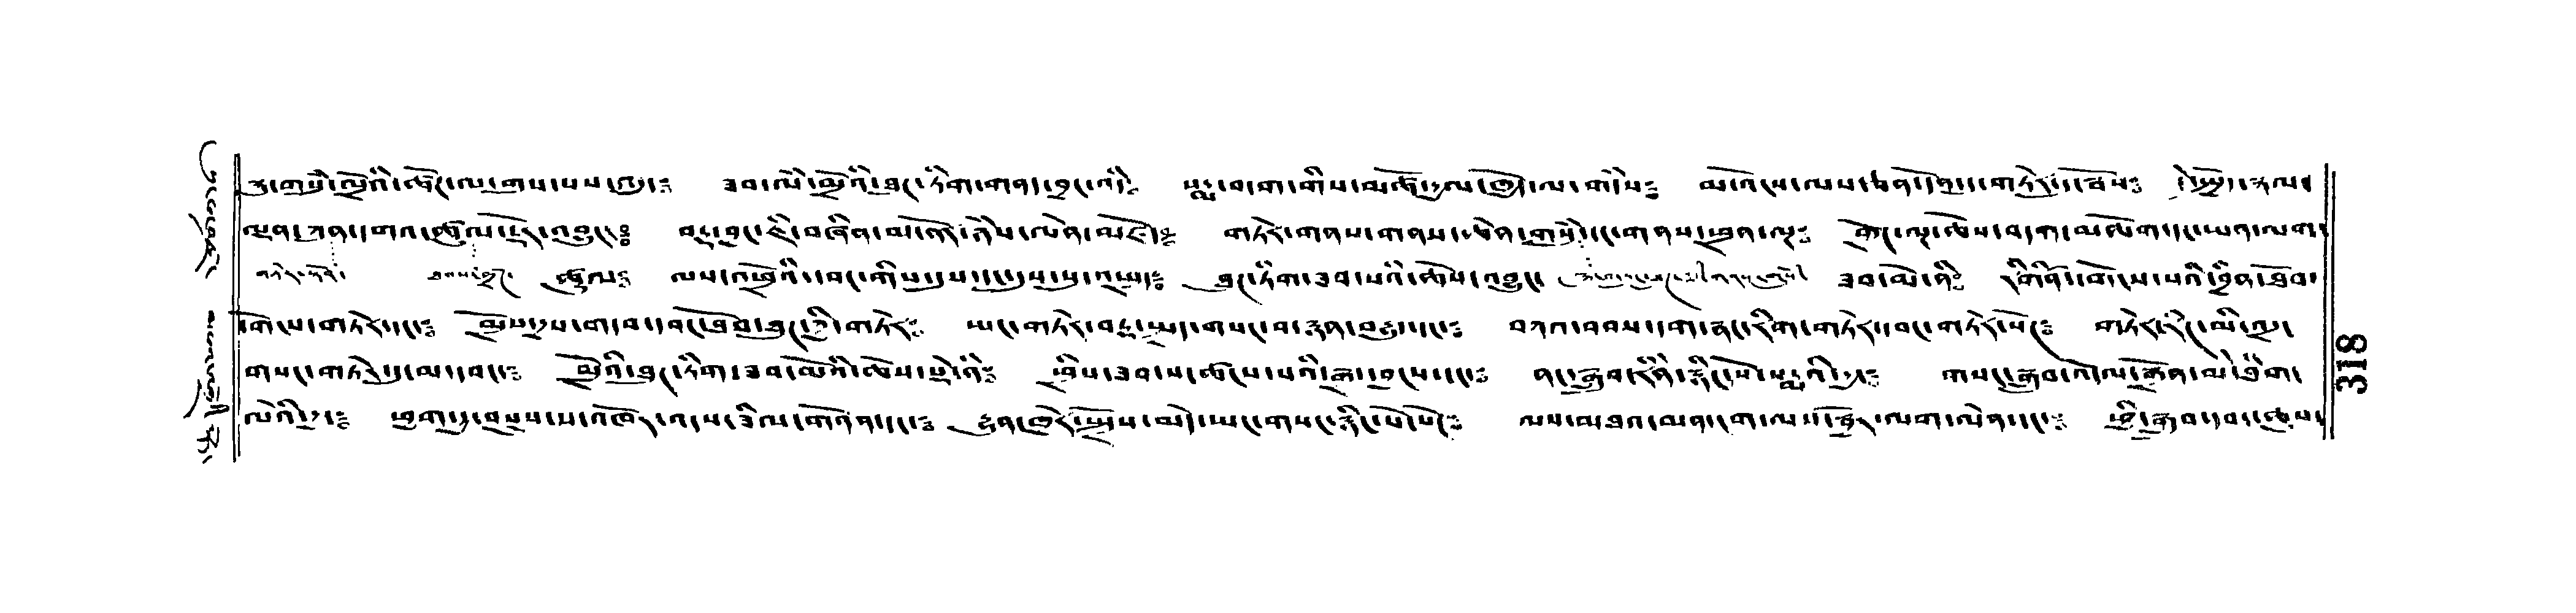སྐུ་གསུམ་མཁའ་འགྲོའི་ཚོགས་ལ་གུས་པས་འདུད༔ ཟབ་ལམ་མཁའ་འགྲོའི་ཐུགས་ཏིག་གནད་བྱང་འདི༔ པདྨ་བདག་གིས་མཚོ་རྒྱལ་ཁྱོད་ལ་གདམས༔ མ་འོངས་ལས་ཅན་དོན་དུ་གཏེར་དུ་སྦོས༔ དེ་སྤྱོད་སྐལ་
ལྡན་ཀུན་དགའ་ཚུལ་རྡོར་འབྱུང༔ བརྡ་བྱང་ཇི་བཞིན་མ་ནོར་ཉམས་ལེན་མཛོད༔ གཏེར་གནས་གནས་ཆེན་གསུམ་དང་གནས་ཕྲན་ལྔ༔ གྲོགས་ལྔ་ཆོས་བདག་མཆོག་དང་ཡན་ལག་
ཚུལ༔ ལས་འཕྲོའི་དབང་གིས་དུས་དང་དུས་སུ་འཕྲད༔ ཐུགས་ཏིག་ཟབ་པའི་ཆོས་འབྱུང་ཟབ་མོ་ནི༔རིག་འཛིན་དགོངས་པའི་བྱིན་ཐོབ་
དགོངས་གཏེར་དང༔ མཁའ་འགྲོས་རྒྱས་གདབ་དབང་ཐོབ་ཐུགས་ཀྱི་གཏེར༔ ཡང་གཏེར་བརྡ་སྤྲད་གསང་བ་སྙན་བརྒྱུད་དང༔ བཀའ་བབས་དག་སྣང་རིག་གཏེར་དབང་གཏེར་སོགས༔ གཏེར་རིགས་མྀ་འདྲ་
གསང་གཏེར་དུ་མ་དབང༔ མཁའ་འགྲོའི་ཐུགས་ཏིག་ཟབ་མོའི་ཆོས་སྡེ་ནི༔ ཕྲིན་ལས་ཟབ་པ་ཚངས་པའི་སྒྲ་དབྱངས་དང༔ ནང་སྒྲུབ་རིན་ཆེན་སྙིང་པོ་པདྨའི་རྒྱ༔ གསང་སྒྲུབ་འོད་གསལ་སྒྲོན་མེ་ཐིག་
ལེའི་རྒྱ༔ ཕྱག་རྒྱ་བསྡུས་པ་འཁོར་འདས་ཟིལ་གནོན་དང༔ རྒྱུན་ཁྱེར་སྤྲོས་མེད་ཡང་གསང་སྙིང་པོ་སོགས༔ ལས་མཐའ་མན་ངག་ལས་སྦྱོར་ལག་ལེན་དང༔ ཕྱི་སྒྲུབ་དབང་ཆུས་